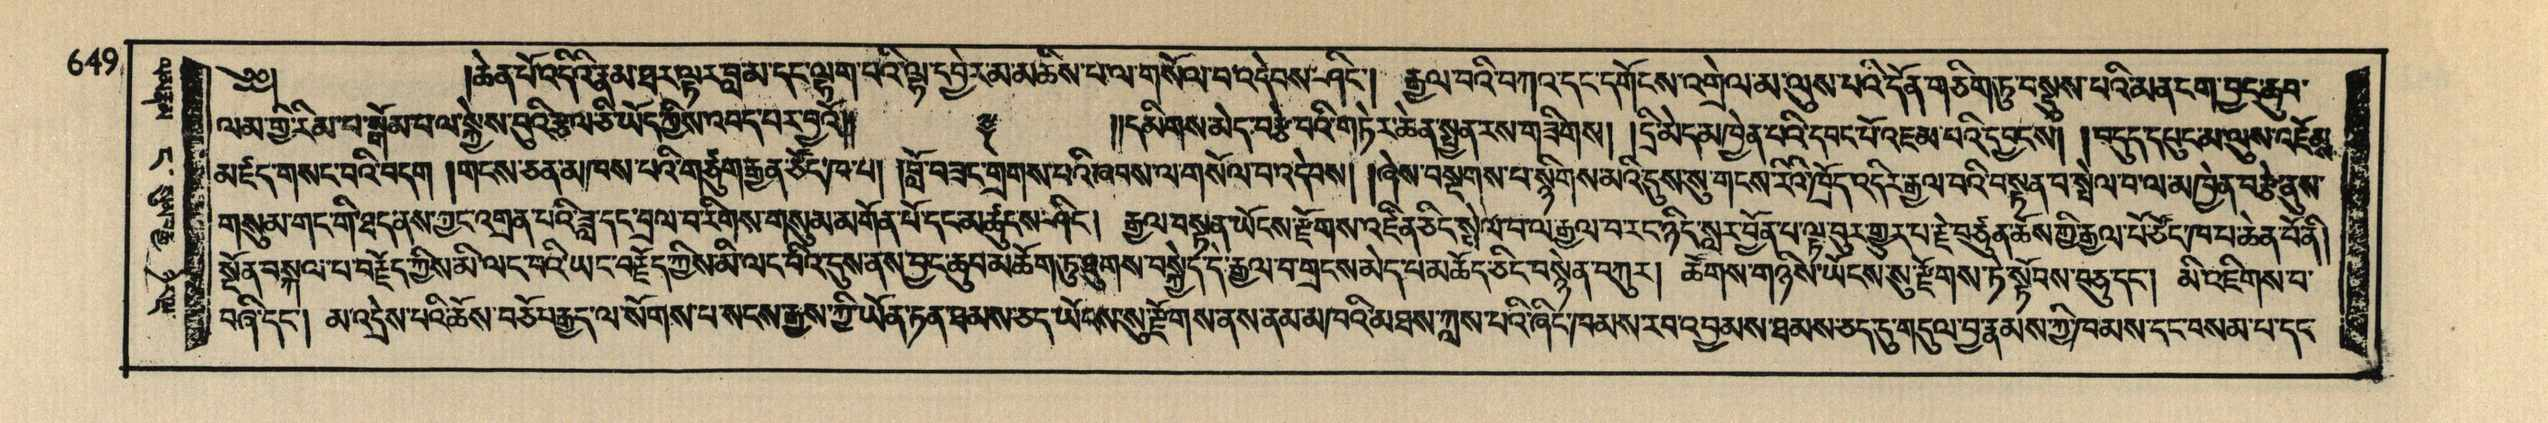༄༅། །ཆེན་པོ་འདིའི་རྣམ་ཐར་ལྟར་བླ་མ་དང་ལྷག་པའི་ལྷ་དབྱེར་མ་མཆིས་པ་ལ་གསོལ་བ་འདེབས་ཤིང་། རྒྱལ་བའི་བཀའ་དང་དགོངས་འགྲེལ་མ་ལུས་པའི་དོན་གཅིག་ཏུ་བསྡུས་པའི་མན་ངག་བྱང་ཆུབ་
ལམ་གྱི་རིམ་བ་སྒོམ་པ་ལ་སྐྱེས་བུའི་རྩལ་ཅི་ཡོད་ཀྱིས་འབད་པར་བྱའོ།། ༈ །།དམིགས་མེད་བརྩེ་བའི་གཏེར་ཆེན་སྤྱན་རས་གཟིགས། །དྲི་མེད་མཁྱེན་པའི་དབང་པོ་འཇམ་པའི་དབྱངས། །བདུད་དཔུང་མ་ལུས་འཇོམས་
མཛད་གསང་བའི་བདག །གངས་ཅན་མཁས་པའི་གཙུག་རྒྱན་ཙོང་ཁ་པ། །བློ་བཟང་གྲགས་པའི་ཞབས་ལ་གསོལ་བ་འདེབས། །ཞེས་བསྔགས་པ་སྙིགས་མའི་དུས་སུ་གངས་རིའི་ཁྲོད་འདིར་རྒྱལ་བའི་བསྟན་པ་སྤེལ་བ་ལ་མཁྱེན་བརྩེ་ནུས་
གསུམ་གང་གི་ཐད་ནས་ཀྱང་འགྲན་པའི་ཟླ་དང་བྲལ་བ་རིགས་གསུམ་མགོན་པོ་དང་མཚུངས་ཤིང་། རྒྱལ་བསྟན་ཡོངས་རྫོགས་འཛིན་ཅིང་སྤེལ་བ་ལ་རྒྱལ་བ་རང་ཉིད་སླར་བྱོན་པ་ལྟ་བུར་གྱུར་པ་རྗེ་བཙུན་ཆོས་ཀྱི་རྒྱལ་པོ་ཙོང་ཁ་པ་ཆེན་པོ་ནི།
སྔོན་བསྐལ་པ་བརྗོད་ཀྱིས་མི་ལང་བའི་ཡང་བརྗོད་ཀྱིས་མི་ལང་བའི་དུས་ནས་བྱང་ཆུབ་མཆོག་ཏུ་ཐུགས་བསྐྱེད་དེ་རྒྱལ་བ་གྲངས་མེད་པ་མཆོད་ཅིང་བསྙེན་བཀུར། ཚོགས་གཉིས་ཡོངས་སུ་རྫོགས་ཏེ་སྟོབས་བཅུ་དང་། མི་འཇིགས་པ་
བཞི་དང་། མ་འདྲེས་པའི་ཆོས་བཅོ་བརྒྱད་ལ་སོགས་པ་སངས་རྒྱས་ཀྱི་ཡོན་ཏན་ཐམས་ཅད་ཡོང་སུ་རྫོགས་ནས་ནམ་མཁའི་མཐས་ཀླས་པའི་ཞིང་ཁམས་རབ་འབྱམས་ཐམས་ཅད་དུ་གདུལ་བྱ་རྣམས་ཀྱི་ཁམས་དང་བསམ་པ་དང་